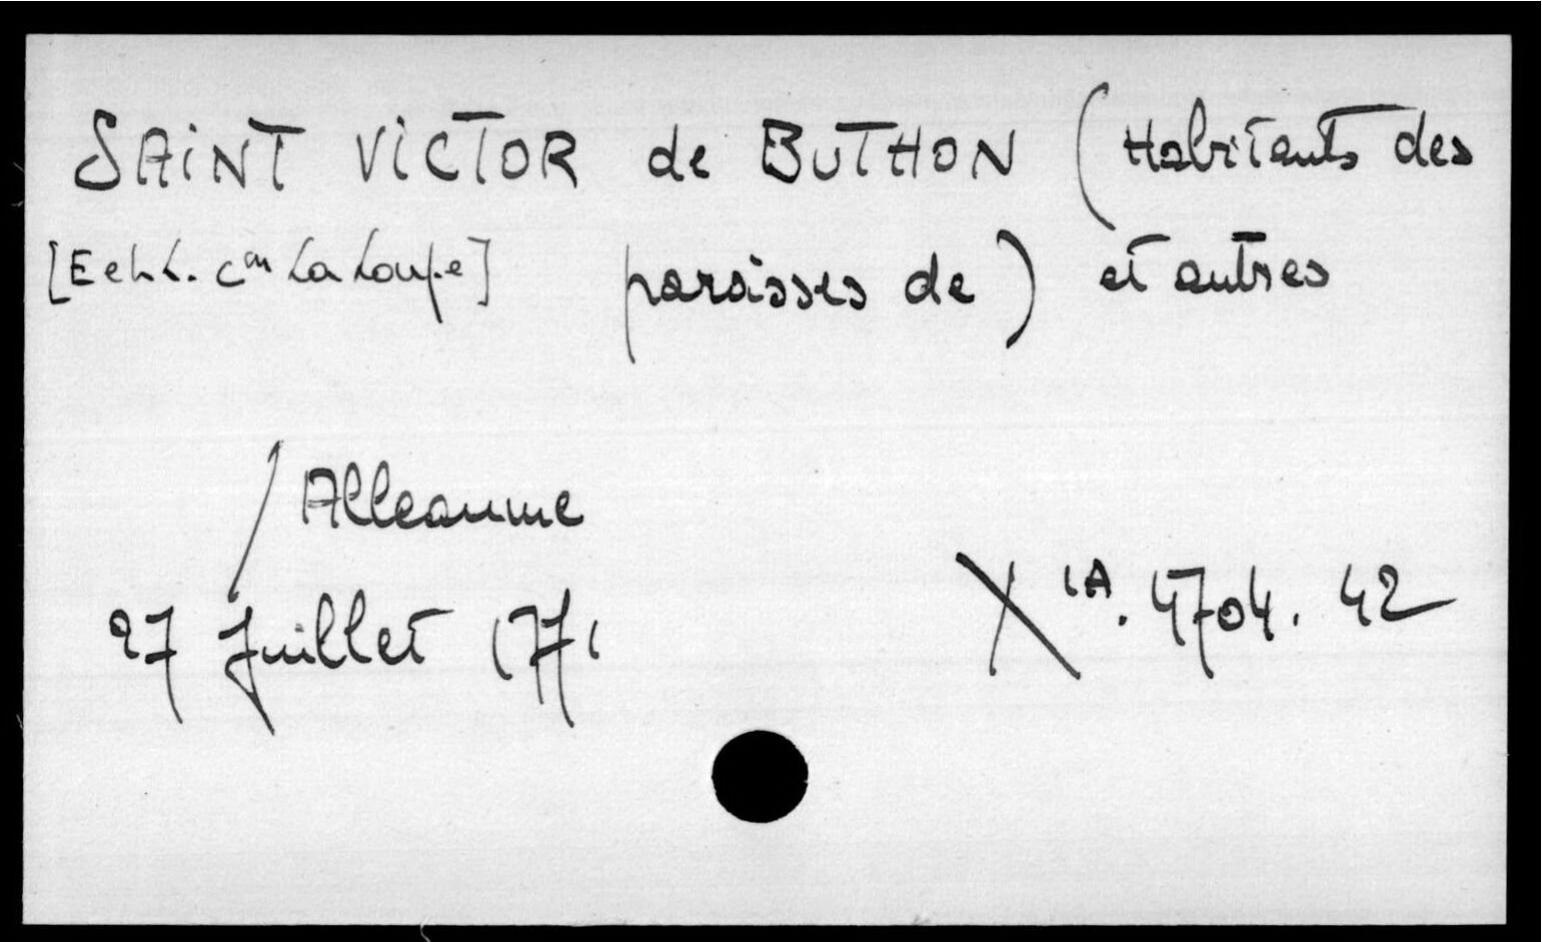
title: SAINT VICTOR de BUTHON (Habitants des paroisses de) et autres, [Eure-et-Loir canton La Loupe)
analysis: Contre Alleaume
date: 27 juillet 1771
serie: X1A
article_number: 4704
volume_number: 42
